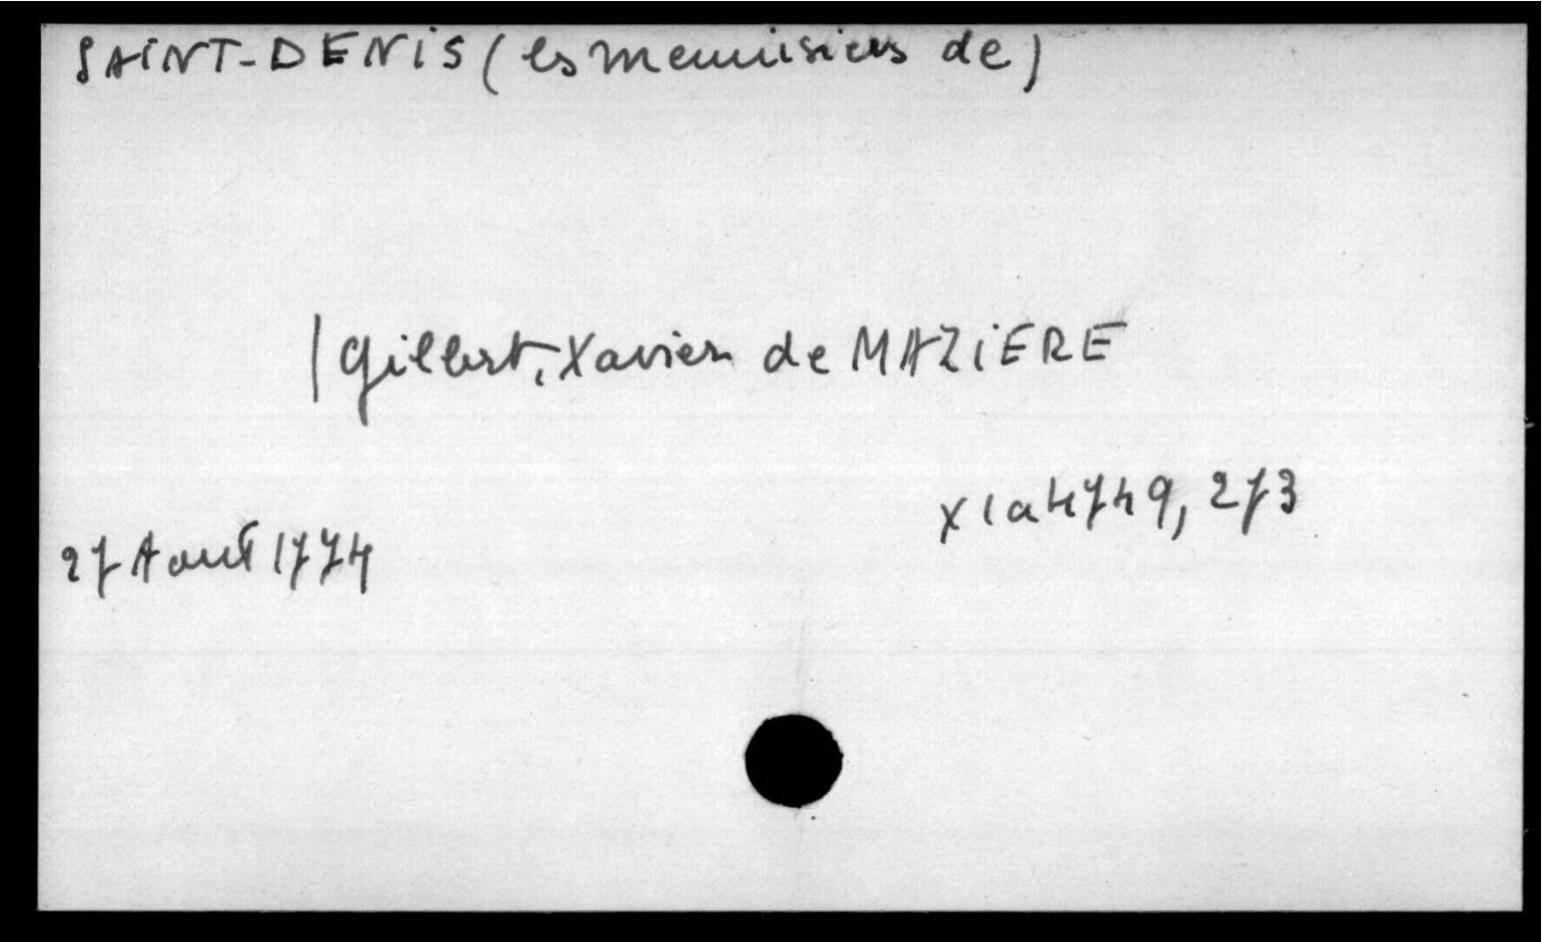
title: SAINT-DENIS (les menuisiers de)
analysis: Contre Gilbert, Xavier de MAZIERE
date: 27 août 1774
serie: X1a
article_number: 4749
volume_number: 273
